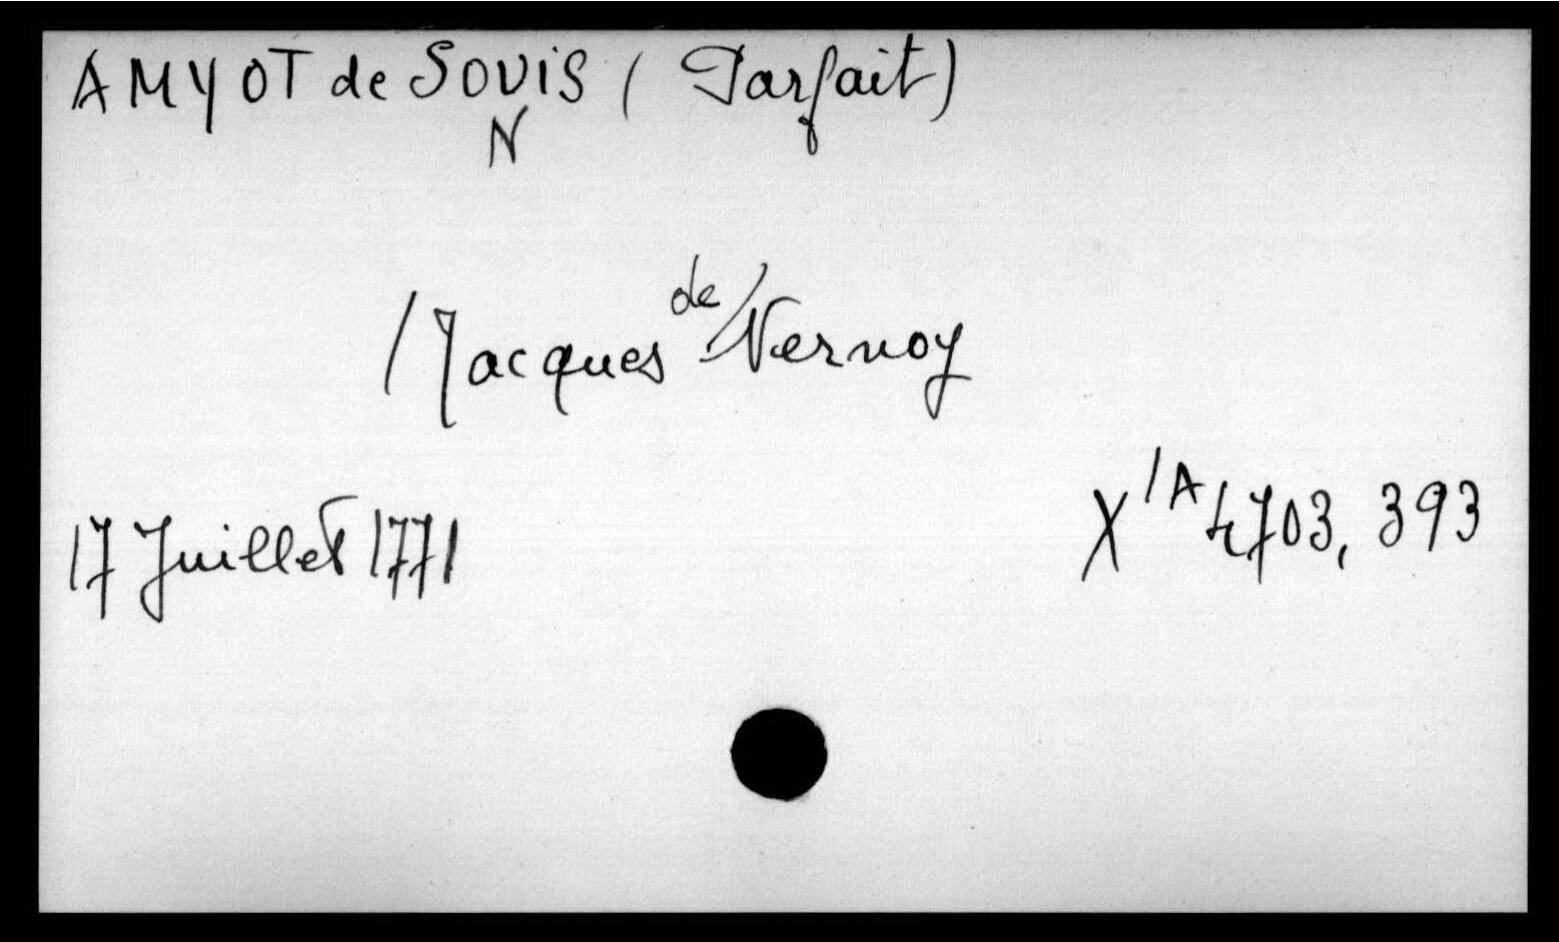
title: AMYOT de SOUINS (Parfait)
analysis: Contre Jacques de Vernoy
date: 17 juillet 1771
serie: X1A
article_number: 4703
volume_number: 393
